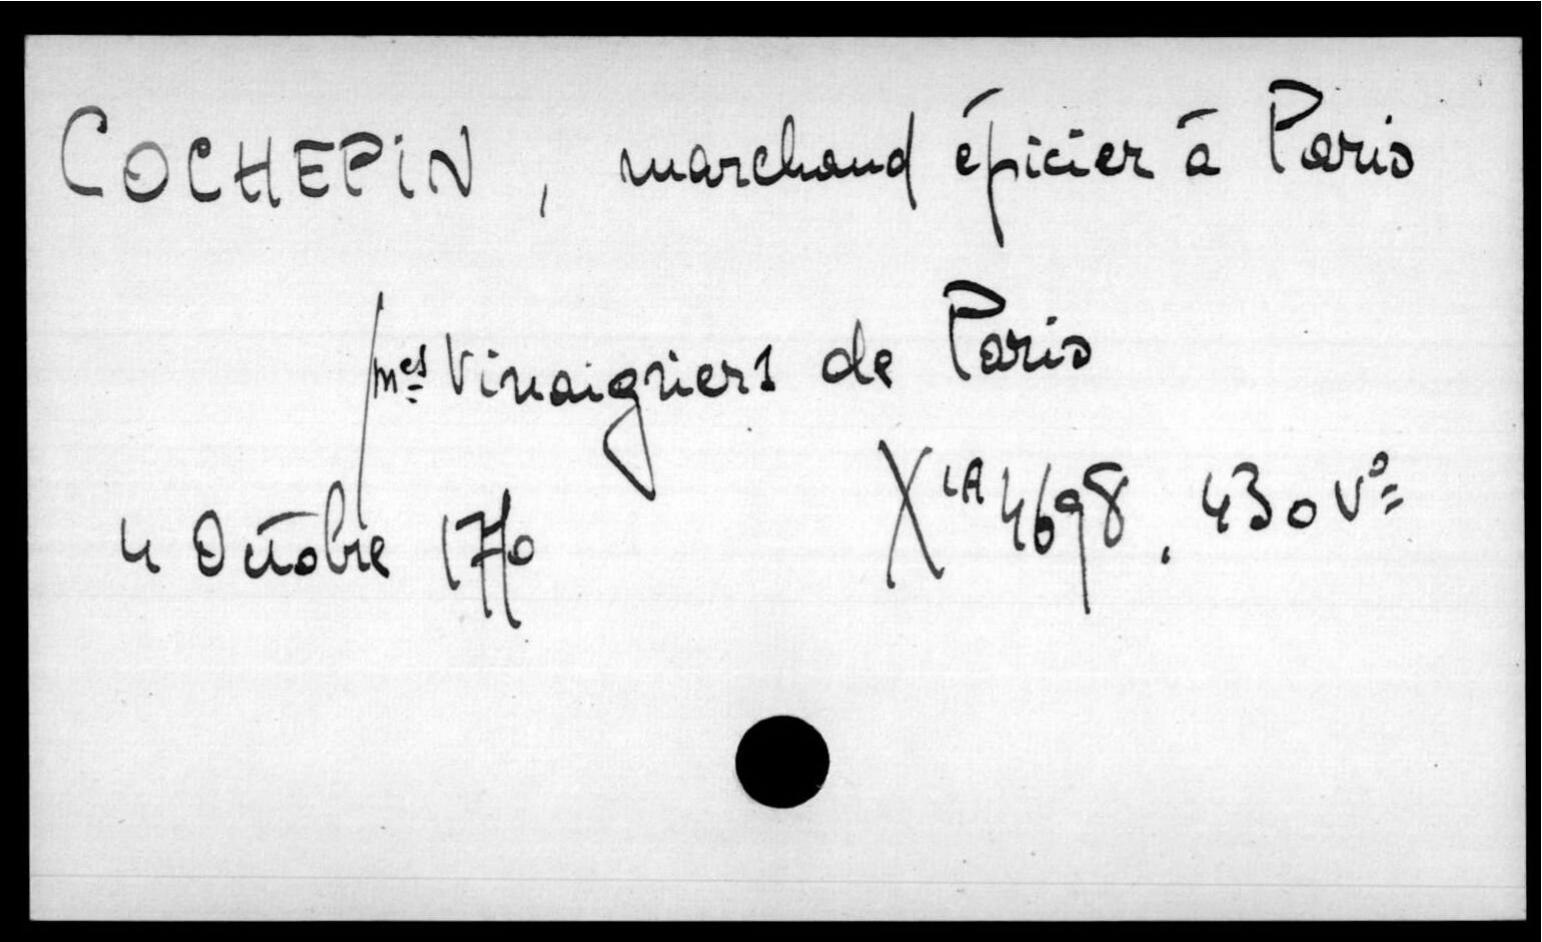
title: COCHEPIN, marchand épicier à Paris
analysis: Contre maîtres Vinaigriers de Paris
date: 4 octobre 1770
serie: X1A
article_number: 4698
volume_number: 430v°
